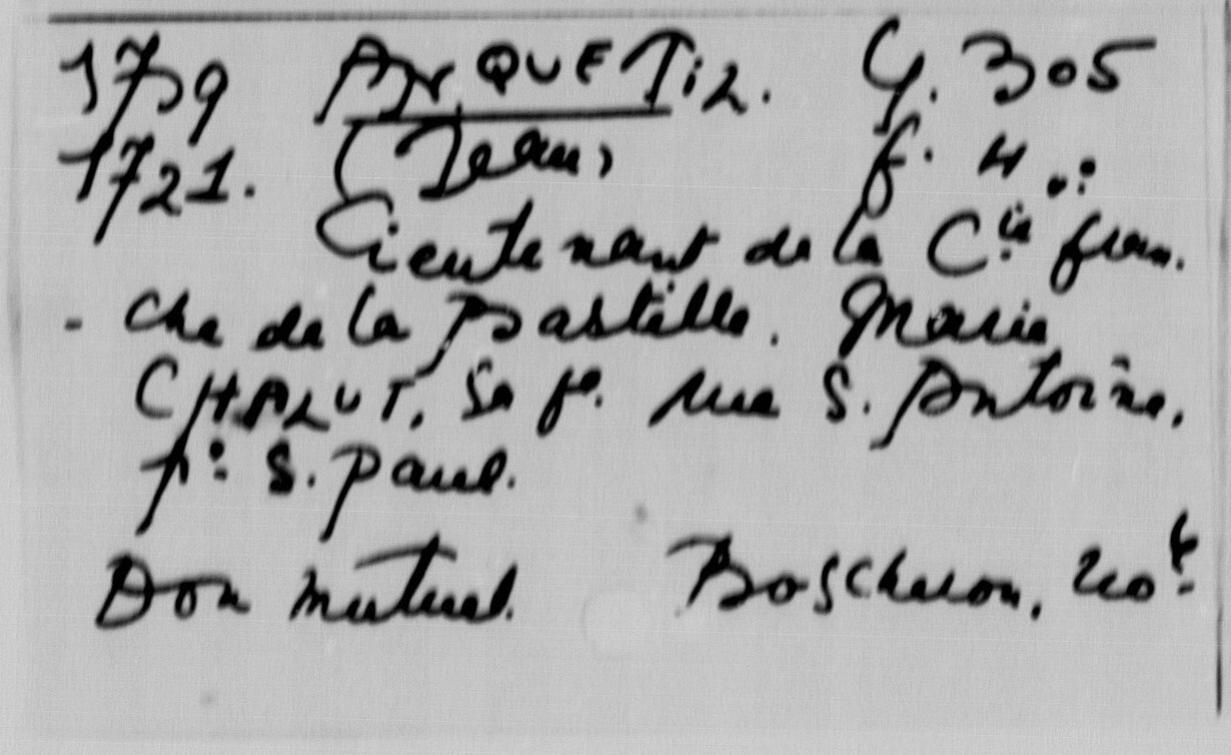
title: ANQUETIL (Jean)
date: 1719-1721
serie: Y
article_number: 305
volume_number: folio 4 verso
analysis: Lieutenant de la Compagnie franche de la Bastille. Marie CHALUT, sa femme, rue Saint Antoine, paroisse Saint-Paul. Don mutuel. Boscheron, notaire.
